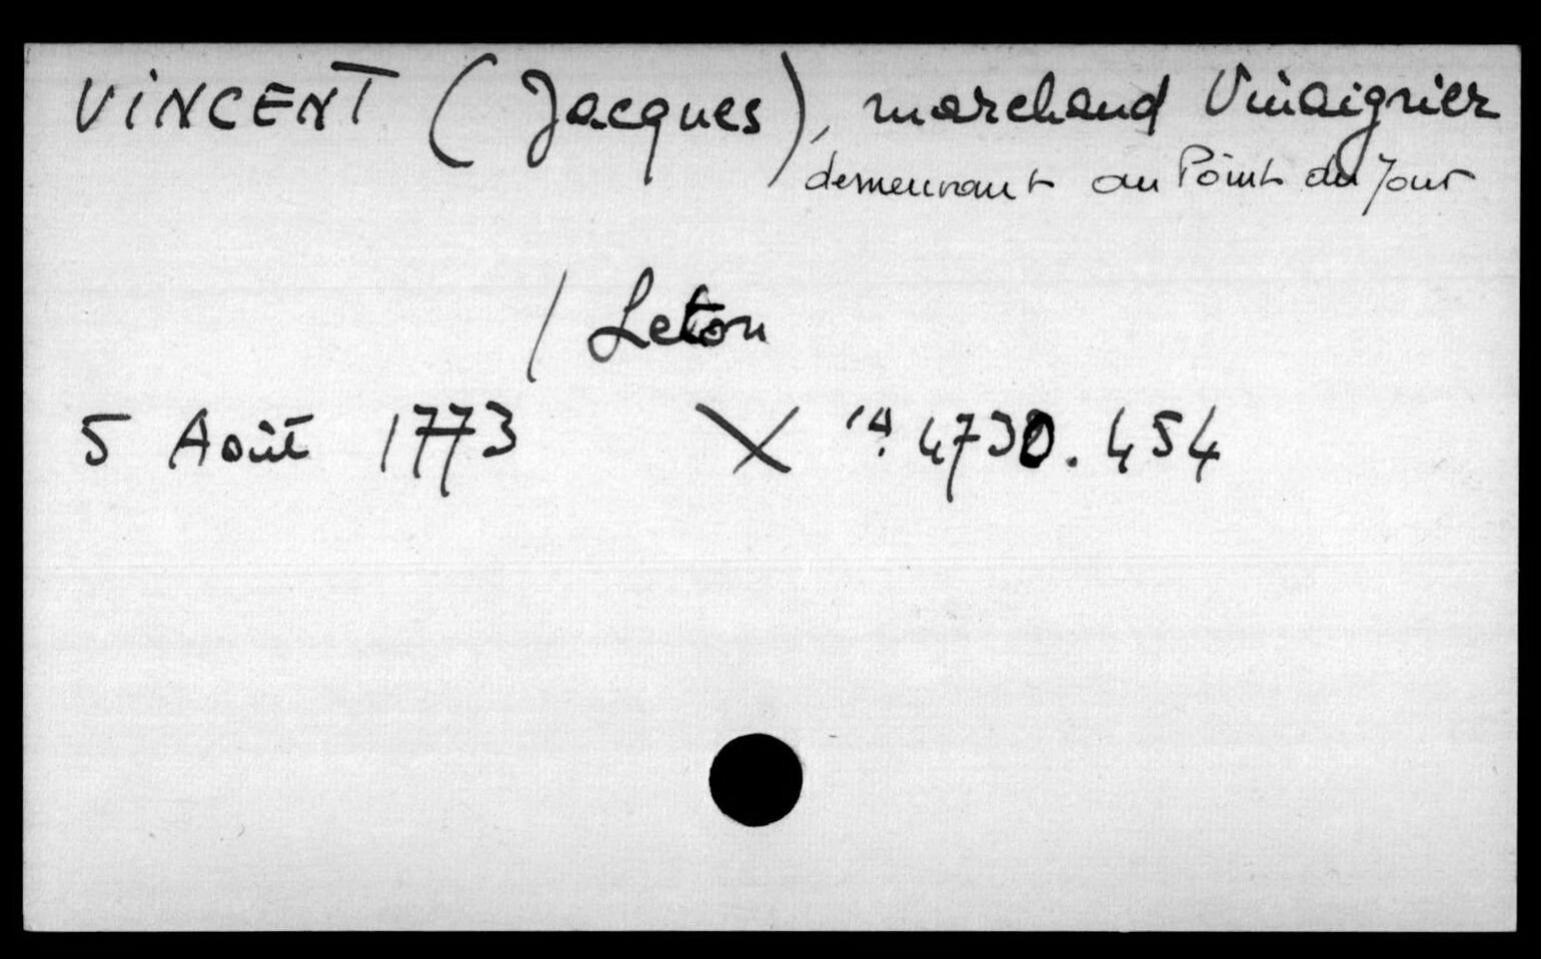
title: VINCENT (Jacques), marchand vinaigrier demeurant au Point du Jour
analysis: Contre Leton
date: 5 août 1773
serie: X1A
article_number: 4730
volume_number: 454
